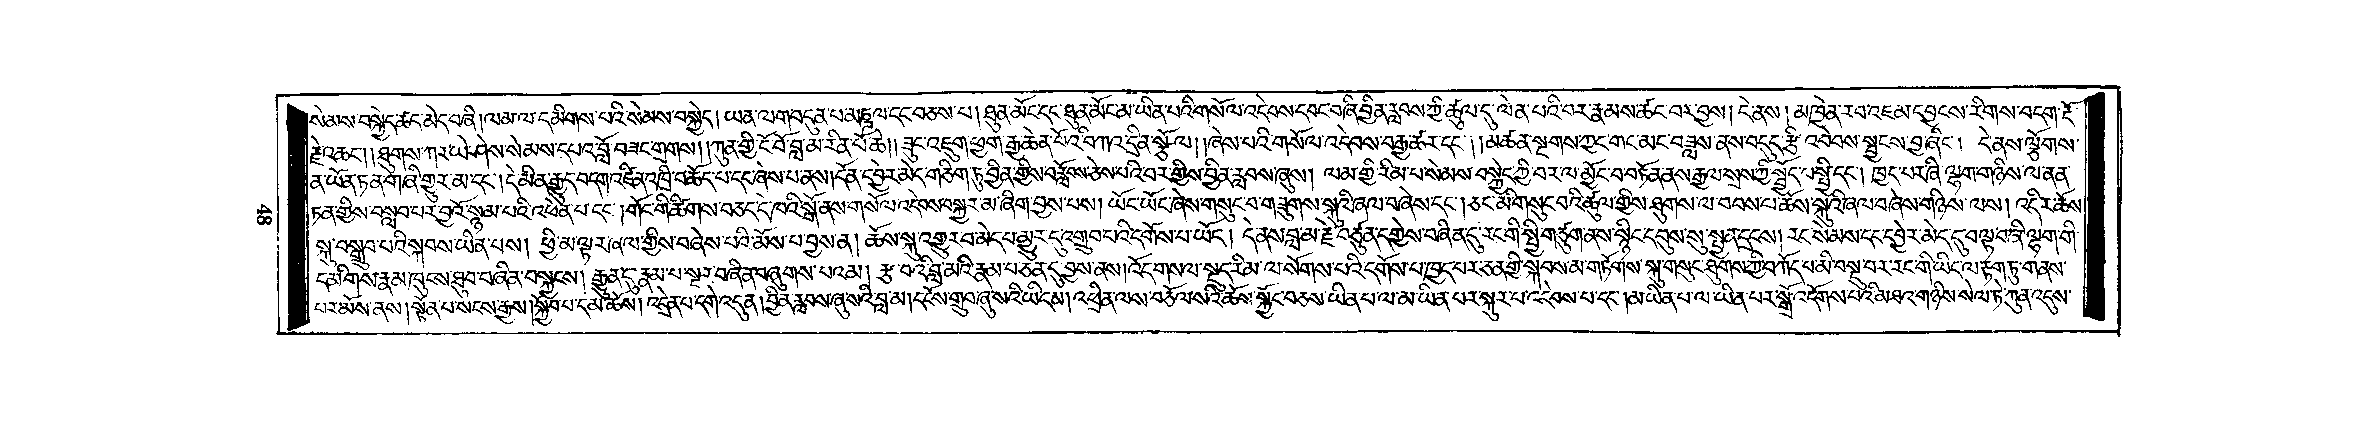སེམས་བསྐྱེད་ཚད་མེད་བཞི། ལམ་ལ་དམིགས་པའི་སེམས་བསྐྱེད། ཡན་ལག་བདུན་པ་མཎྜལ་དང་བཅས་པ། ཐུན་མོང་དང་ཐུན་མོང་མ་ཡིན་པའི་གསོལ་འདེབས་དབང་བཞི་བྱིན་རླབས་ཀྱི་ཚུལ་དུ་ལེན་པའི་བར་རྣམས་ཚང་བར་བྱས། དེ་ནས། མཁྱེན་རབ་འཇམ་དབྱངས་རིགས་བདག་རྡོ་
རྗེ་འཆང་། །ཐུགས་ཀར་ཡེ་ཤེས་སེམས་དཔའ་བློ་བཟང་གྲགས། །ཀུན་གྱི་ངོ་བོ་བླ་མ་རིན་པོ་ཆེ། །ཟུང་འཇུག་ཕྱག་རྒྱ་ཆེན་པོའི་བཀའ་དྲིན་སྩོལ། །ཞེས་པའི་གསོལ་འདེབས་བརྒྱ་ཚར་དང་། །མཚན་སྔགས་ཀྱང་གང་མང་བཟླས་ནས་བདུད་རྩི་འབེབས་སྦྱངས་བྱ་ཞིང་། དེ་ནས་ལྕོགས་
ན་ཡོན་ཏན་གཞི་གྱུར་མ་དང་། དེ་མིན་རྒྱུད་བདག་འཛིན་འཁྲི་བ་ཆོད་པ་དང་ཞེས་པ་ནས། དོན་དབྱེར་མེད་གཅིག་ཏུ་བྱིན་གྱིས་བརློབས་ཅེས་པའི་བར་གྱིས་བྱིན་རླབས་ཞུས། ལམ་གྱི་རིམ་པ་སེམས་བསྐྱེད་ཀྱི་བར་ལ་མྱོང་བ་བཏོན་ནས་རྒྱལ་སྲས་ཀྱི་སྤྱོད་པ་སྤྱི་དང་། ཁྱད་པར་ཞི་ལྷག་གཉིས་ལ་ནན་
ཏན་གྱིས་བསླབ་པར་བྱའོ་སྙམ་པའི་འཕེན་པ་དང་། གོང་གི་ཚིགས་བཅད་དེ་ཁའི་སྒོ་ནས་གསོལ་འདེབས་བསྐྱར་མ་ཞིག་བྱས་པས། ཡོང་ཡོང་ཞེས་གསུང་བ་གཟུགས་སྐུའི་ཞལ་བཞེས་དང་། ཅང་མི་གསུང་བའི་ཚུལ་གྱིས་ཐུགས་ལ་བབས་པ་ཆོས་སྐུའི་ཞལ་བཞེས་གཉིས་ལས། འདིར་ཆོས་
སྐུ་བསྒྲུབ་པའི་སྐབས་ཡིན་པས། ཕྱི་མ་ལྟར་ཞལ་གྱིས་བཞེས་པའི་མོས་པ་བྱས་ན། ཆོས་སྐུ་འགྱུར་བ་མེད་པ་མྱུར་དུ་འགྲུབ་པའི་དགོས་པ་ཡོད། དེ་ནས་བླ་མ་རྗེ་བཙུན་དགྱེས་བཞིན་དུ་རང་གི་སྤྱི་གཙུག་ནས་སྙིང་དབུས་སུ་སྤྱན་དྲངས། རང་སེམས་དང་དབྱེར་མེད་དུ་བལྟ་བ་ཞི་ལྷག་གི་
དམིགས་རྣམ་ཁུངས་ཐུབ་བཞིན་བསྐྱངས། རྒྱུན་དུ་རྣམ་པ་སྔར་བཞིན་བཞུགས་པའམ། རྩ་བའི་བླ་མའི་རྣམ་པ་ཅན་དུ་བྱས་ནས། འོད་གསལ་སྡུད་རིམ་ལ་སོགས་པའི་དགོས་པ་ཁྱད་པར་ཅན་གྱི་སྐབས་མ་གཏོགས་སྐུ་གསུང་ཐུགས་ཀྱི་བཀོད་པ་མི་བསྡུ་བར་རང་གི་ཡིད་ལ་རྟག་ཏུ་གནས་
པར་མོས་ནས། སྟོན་པ་སངས་རྒྱས། སྐྱོབ་པ་དམ་ཆོས། འདྲེན་པ་དགེ་འདུན། བྱིན་རླབས་ཞུ་སའི་བླ་མ། དངོས་གྲུབ་ཞུ་སའི་ཡི་དམ། འཕྲིན་ལས་བཅོལ་སའི་ཆོས་སྐྱོང་བཅས་ཡིན་པ་ལ་མ་ཡིན་པར་སྐུར་པ་འདེབས་པ་དང་། མ་ཡིན་པ་ལ་ཡིན་པར་སྒྲོ་འདོགས་པའི་མཐའ་གཉིས་སེལ་ཏེ་ཀུན་འདུས་